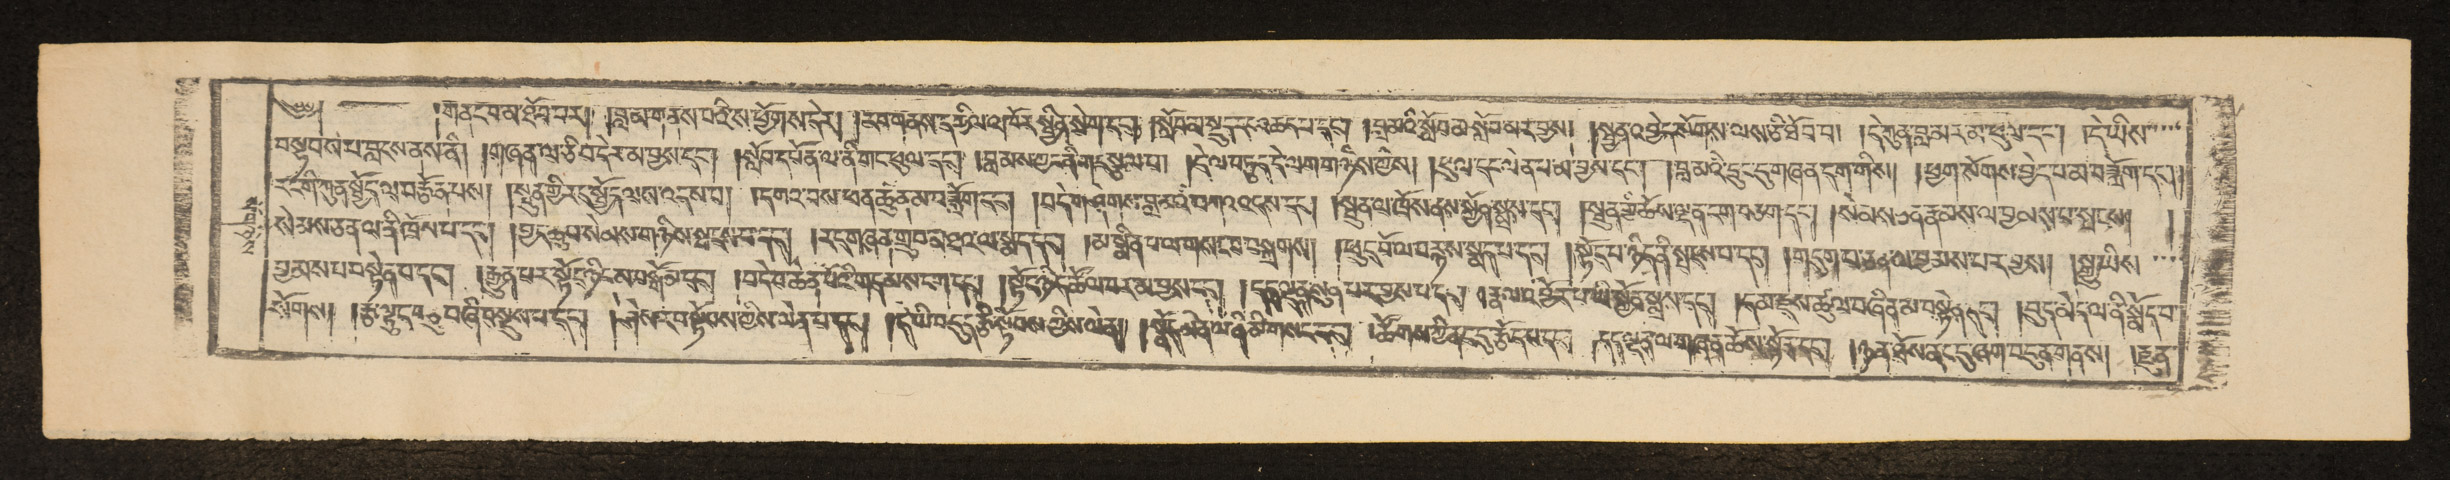༄༅། །གནང་བ་མ་ཐོབ་པར། །བླ་མ་གནས་པའི་ས་ཕྱོགས་དེར། །རབ་གནས་དཀྱིལ་འཁོར་སྦྱིན་སྦྱིན་སྲེག་དང་། །སློབ་མ་སྡུད་དང་འཆད་པ་དང་། །བླ་མའི་སློབ་མ་སློབ་མར་བྱས། །སྤྱན་འབྱེད་སོགས་ལས་ཅི་ཐོབ་པ། །དེ་ཀུན་བླ་མར་མ་ཕུལ་དང་། །དེ་ཡིས་
བསྟབས་པ་བླངས་ནས་ནི། །གཞན་ལ་ཅི་བ་དེར་མ་བྱས་དང་། །སློབ་དཔོན་ལ་ནི་གང་ཕུལ་དང་། །བླ་མས་ཀྱང་ནི་གང་སྩལ་བ། །དེ་ལ་བཏུད་དེ་ལག་གཉིས་ཀྱིས། །ཕུལ་དང་ལེན་པ་མ་བྱས་དང་། །བླ་མའི་དྲུང་དུ་གཞན་དག་གིས། །ཕྱག་སོགས་བྱེད་པ་མ་བཟློག་དང།།
རང་གི་ཀུན་སྤྱོད་ལ་བརྩོན་པས། །སྤུན་གྱི་རང་སྤྱོད་ལས་འདས་པ། །དགའ་བས་ཕན་ཚུན་མ་བཟློག་དང་། །བདེ་གཤེགས་བླ་མའི་བཀའ་འདས་དང་། །སྤུན་ལ་ཁྲོས་ནས་སྐྱོན་སྨྲས་དང་། །སྦུན་གྱི་ཆོས་ལྡན་ངག་བཅག་དང་། །སེམས་ཅན་རྣམས་ལ་བྱམས་པ་སྤངས། །
སེམས་ཅན་ལ་ནི་ཁྲོབ་པ་དང་། །བྱང་ཆུབ་སེམས་གཉིས་སྤངས་པ་དང་། །རང་གཞན་གྲུབ་མཐའ་ལ་སྨད་དང་། །མ་སྨིན་པ་ལ་གསང་བ་བསྒྲགས། །ཕུང་པོ་ལ་བརྙས་སྨད་པ་དང་། །སྟོང་པ་ཉིད་ནི་སྤངས་པ་དང་། །གདུག་པ་ཅན་ལ་བྱམས་པར་བྱས། །སྒྱུ་ཡིས་
བྱམས་པ་བསྟེན་པ་དང་། །རྒྱུན་པར་སྟོང་ཉིད་མ་བསྒོམ་དང་། །བདེ་བ་ཆེན་པོའི་གདམས་ངག་དང་། །སྟོང་ཉིད་ཚོལ་བར་མ་བྱས་དང་། །དད་ལྡན་སུན་པར་བྱས་པ་དང་། །རྣལ་འབྱོར་པ་ཡི་སྐྱོན་སྨྲས་དང་། །དམ་རྫས་ཚུལ་བཞིན་མ་བསྟེན་དང་། །བུད་མེད་ལ་ནི་སྨོད་པ་
སོགས། །རྩ་ལྟུང་བཅུ་བཞི་བསྡུས་པ་དང་། །ཤེས་རབ་སྟོབས་ཀྱིས་ལེན་པ་དང་། །དེ་ཡི་བདུད་རྩི་སྟོབས་ཀྱིས་ལེན། །སྣོད་མིན་ལ་ནི་མིགས་དང་། །ཚོགས་ཀྱི་ནང་དུ་རྩོད་པ་དང་། །དད་ལྡན་ལ་གཞན་ཆོས་སྟོན་དང་། །ཉན་ཐོས་ནང་དུ་ཞག་བདུན་གནས། །རྫུན་